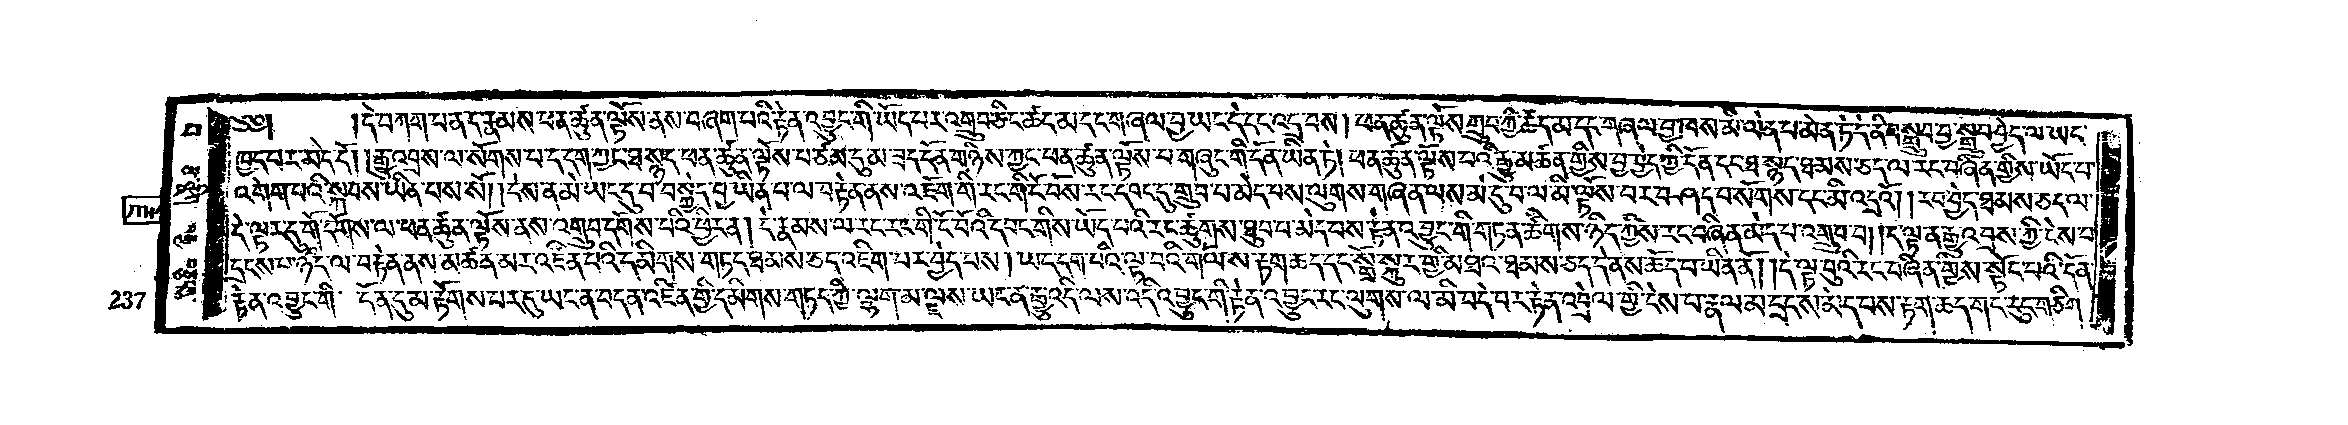༄༅། །དེ་བཀག་པ་ན་དེ་རྣམས་ཕན་ཚུན་ལྟོས་ནས་བཞག་པའི་རྟེན་འབྱུང་གི་ཡོད་པར་འགྲུབ་ཅིང་ཚད་མ་དང་གཞལ་བྱ་ཡང་དེ་དང་འདྲ་བས། ཕན་ཚུན་ལྟོས་གྲུབ་ཀྱི་ཚད་མ་དང་གཞལ་བྱ་ཁས་མི་ལེན་པ་མིན་ཏེ་དེ་ནི་བསྒྲུབ་བྱ་སྒྲུབ་བྱད་ལ་ཡང་
ཁྱད་པར་མེད་དོ། །རྒྱུ་འབྲས་ལ་སོགས་པ་དེ་དག་ཀྱང་ཐ་སྙད་ཕན་ཚུན་ལྟོས་པ་ཙམ་དུ་མ་ཟད་དོན་གཉིས་ཀྱང་ཕན་ཚུན་ལྟོས་པ་གཞུང་གི་དོན་ཡིན་ཏེ། ཕན་ཚུན་ལྟོས་པའི་རྒྱུ་མཚན་གྱིས་བྱ་བྱེད་ཀྱི་དོན་དང་ཐ་སྙད་ཐམས་ཅད་ལ་རང་བཞིན་གྱིས་ཡོད་པ་
འགེག་པའི་སྐབས་ཡིན་པས་སོ། །དེས་ན་མེ་ཡང་དུ་བ་བསྐྱེད་བྱ་ཡིན་པ་ལ་བརྟེན་ནས་འཇོག་གི་རང་གི་ངོ་བོས་རང་དབང་དུ་གྲུབ་པ་མེད་པས་ལུགས་གཞན་ལས་མེ་དུ་བ་ལ་མི་ལྟོས་པར་བཤད་པ་སོགས་དང་མི་འདྲའོ། །རབ་བྱེད་ཐམས་ཅད་ལ་
དེ་ལྟར་དུ་གོ་དོགས་ལ་ཕན་ཚུན་ལྟོས་ནས་འགྲུབ་དགོས་པའི་ཕྱིར་ན། དེ་རྣམས་ལ་རང་རང་གི་ངོ་བོའི་དབང་གིས་ཡོད་པའི་རང་ཚུགས་ཐུབ་པ་མེད་པས་རྟེན་འབྱུང་གི་གཏན་ཚིགས་ཉིད་ཀྱིས་རང་བཞིན་མེད་བ་འགྲུབ་བ། །དེ་ལྟ་ན་རྒྱུ་འབྲས་ཀྱི་ངེས་པ་
དྲངས་པ་ཉིད་ལ་བརྟེན་ནས་མཚན་མར་འཛིན་པའི་དམིགས་གཏད་ཐམས་ཅད་འཇིག་པར་བྱེད་པས། ཡང་དག་པའི་ལྟ་བའི་གལ་ས་རྟག་ཆད་དང་སྒྲོ་སྐུར་གྱི་མཐའ་ཐམས་ཅད་དེ་ནས་ཆོད་པ་ཡིན་ནོ། །དེ་ལྟ་བུའི་རང་བཞིན་གྱིས་སྟོང་པའི་དོན་
རྟེན་འབྱུང་གི་དོན་དུ་མ་རྟོགས་པར་དུ་ཡང་ན་བདན་འཛིན་གྱི་དམིགས་གཏད་ཀྱི་ལྷག་མ་ལྗས་ཡང་ན་རྒྱུ་འདི་ལས་འདི་འབྱུང་གི་རྟེན་འབྱུང་རང་ལུགས་ལ་མི་བདེ་བར་རྟེན་འབྲེལ་གྱི་ངེས་པ་རྣལ་མ་དྲངས་མེད་པས་རྟག་ཆད་གང་རུང་གཅིག་